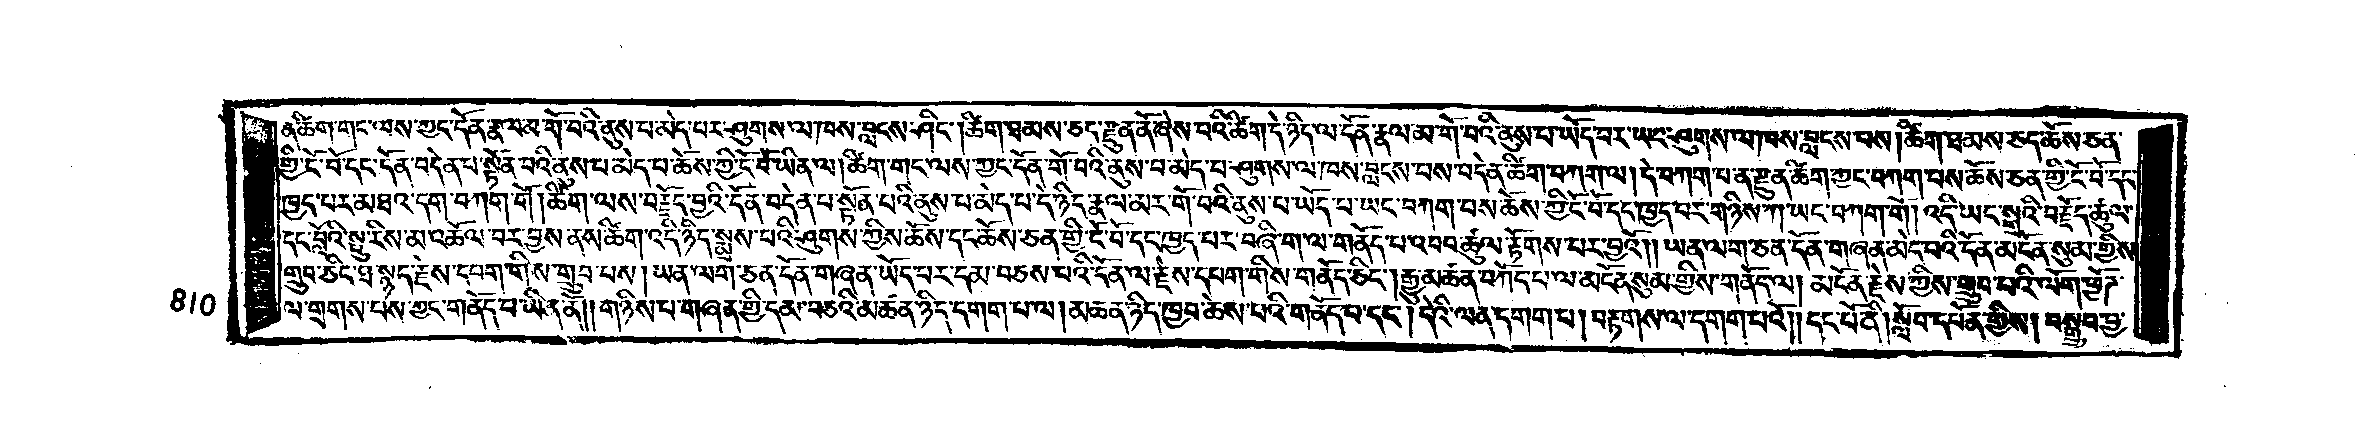ན་ཚིག་གང་ལས་ཀྱང་དོན་རྣལ་མ་གོ་བའི་ནུས་པ་མེད་པར་ཤུགས་ལ་ཁས་བླངས་ཤིང་། ཚིག་ཐམས་ཅད་རྫུན་ནོ་ཞེས་པའི་ཚིག་དེ་ཉིད་ལ་དོན་རྣལ་མ་གོ་བའི་ནུས་པ་ཡོད་པར་ཡང་ཤུགས་ལ་ཁས་བླངས་པས། ཚིག་ཐམས་ཅད་ཆོས་ཅན་
གྱི་ངོ་བོ་དང་དོན་བདེན་པ་སྟོན་པའི་ནུས་པ་མེད་པ་ཆོས་ཀྱི་ངོ་བོ་ཡིན་ལ། ཚིག་གང་ལས་ཀྱང་དོན་གོ་བའི་ནུས་པ་མེད་པ་ཤུགས་ལ་ཁས་བླངས་པས་བདེན་ཚིག་བཀག་ལ། དེ་བཀག་པ་ན་རྫུན་ཚིག་ཀྱང་བཀག་པས་ཆོས་ཅན་གྱི་ངོ་བོ་དང་
ཁྱད་པར་མཐའ་དག་བཀག་གོ། ཚིག་ལས་བརྗོད་བྱའི་དོན་བདེན་པ་སྟོན་པའི་ནུས་པ་མེད་པ་དེ་ཉིད་རྣལ་མར་གོ་བའི་ནུས་པ་ཡོད་པ་ཡང་བཀག་པས་ཆོས་ཀྱི་ངོ་བོ་དང་ཁྱད་པར་གཉིས་ཀ་ཡང་བཀག་གོ། འདི་ཡང་སྒྲའི་བརྗོད་ཚུལ་
དང་བློའི་སྤུ་རིས་མ་འཆོལ་བར་བྱས་ནས་ཚིག་འདི་ཉིད་སྨྲས་པའི་ཤུགས་ཀྱིས་ཆོས་དང་ཆོས་ཅན་གྱི་ངོ་བོ་དང་ཁྱད་པར་བཞི་ག་ལ་གནོད་པ་འབབ་ཚུལ་རྟོགས་པར་བྱའོ། །ཡན་ལག་ཅན་དོན་གཞན་མེད་པའི་དོན་མངོན་སུམ་གྱིས་
གྲུབ་ཅིང་ཐ་སྙད་རྗེས་དཔག་གིས་གྲུབ་པས། ཡན་ལག་ཅན་དོན་གཞན་ཡོད་པར་དམ་བཅས་པའི་དོན་ལ་རྗེས་དཔག་གིས་གནོད་ཅིང་། རྒྱུ་མཚན་བཀོད་པ་ལ་མངོན་སུམ་གྱིས་གནོད་ལ། མངོན་རྗེས་ཀྱིས་གྲུབ་པའི་ལོག་ཕྱོཌ་
ལ་གྲགས་པས་ཀྱང་གནོད་པ་ཡིན་ནོ། །གཉིས་པ་གཞན་གྱི་དམ་བཅའི་མཚན་ཉིད་དགག་པ་ལ། མཚན་ཉིད་ཁྱབ་ཆེས་པའི་གནོད་པ་དང་། དེའི་ལན་དགག་པ། བརྟགས་ལ་དགག་པའོ། །དང་པོ་ནི། སློབ་དཔོན་གྱིས། བསྒྲུབ་བྱ་